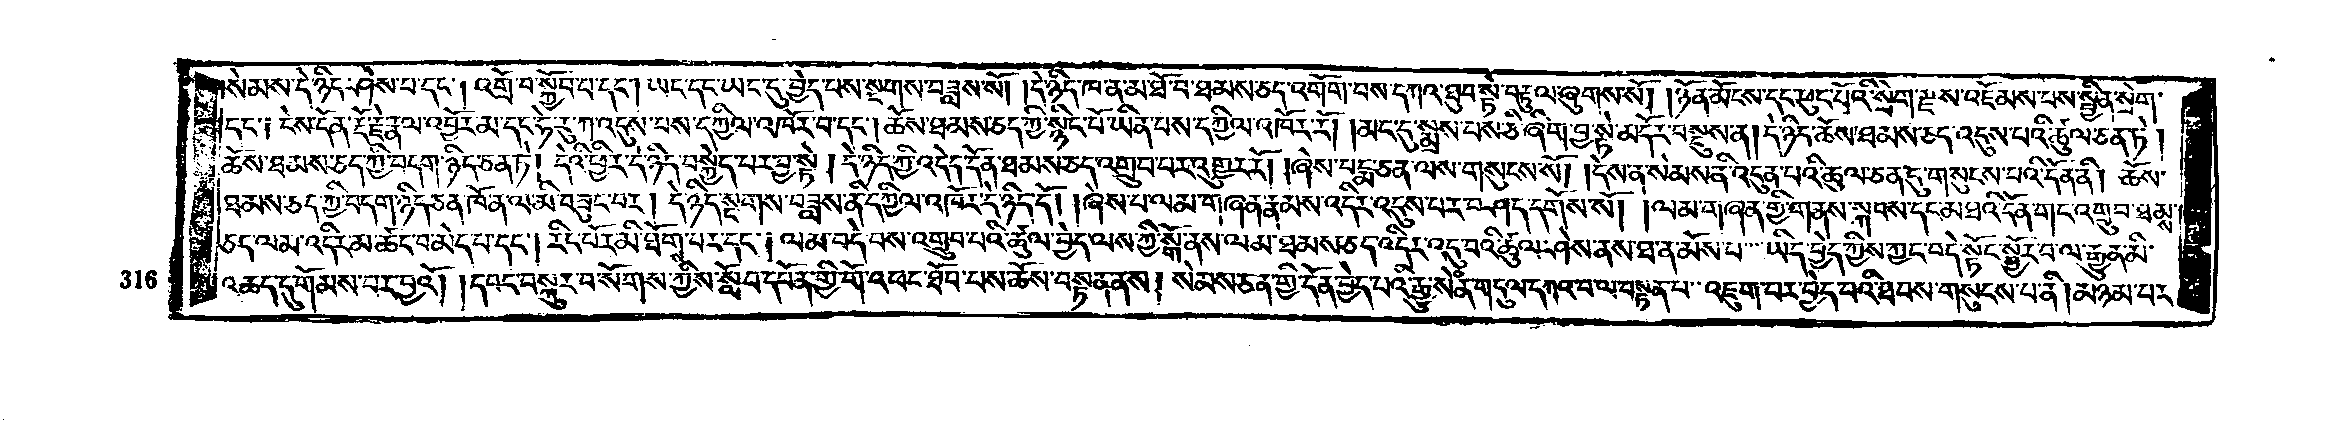སེམས་དེ་ཉིད་ཤེས་པ་དང་། འགྲོ་བ་སྐྱོབ་པ་དང་། ཡང་དང་ཡང་དུ་བྱེད་པས་སྔགས་བཟླས་སོ། །དེ་ཉིད་ཁ་ན་མ་ཐོ་བ་ཐམས་ཅད་འགོག་པས་དཀའ་ཐུབ་སྟེ་བརྟུལ་ཞུགས་སོ། །ཉོན་མོངས་དང་ཕུང་པོའི་སྲེག་རྫས་འཇོམས་པས་སྦྱིན་སྲེག་
དང་། ངེས་དོན་རྡོ་རྗེ་རྣལ་འབྱོར་མ་དང་ཧེ་རུ་ཀ་འདུས་པས་དཀྱིལ་འཁོར་བ་དང་། ཆོས་ཐམས་ཅད་ཀྱི་སྙིང་པོ་ཡིན་པས་དཀྱིལ་འཁོར་རོ། །མང་དུ་སྨྲས་པས་ཅི་ཞིག་བྱ་སྟེ་མདོར་བསྡུས་ན། དེ་ཉིད་ཆོས་ཐམས་ཅད་འདུས་པའི་ཚུལ་ཅན་ཏེ།
ཆོས་ཐམས་ཅད་ཀྱི་བདག་ཉིད་ཅན་ཏེ། དེའི་ཕྱིར་དེ་ཉིད་བསྐྱེད་པར་བྱ་སྟེ། དེ་ཉིད་ཀྱི་འདེད་དོན་ཐམས་ཅད་འགྲུབ་པར་འགྱུར་རོ། །ཞེས་པདམ་ཅན་ལས་གསུངས་སོ། །དེས་ན་སེམས་ནི་འདུན་པའི་ཆུལ་ཅན་དུ་གསུངས་པའི་དོན་ནི། ཆོས་
ཐམས་ཅད་ཀྱི་བདག་ཉིད་ཅན་ཁོ་ན་ལ་མི་བཟུང་བར། དེ་ཉིད་སྔགས་བཟླས་ནི་དཀྱིལ་འཁོར་དེ་ཉིད་དོ། །ཞེས་པ་ལམ་གཞན་རྣམས་འདིར་འདུས་པར་བཤད་དགོས་སོ། །ལམ་གཞན་གྱི་གནས་སྐབས་དང་མཐའི་དོན་གང་འགྲུབ་ཐམས་
ཅད་ལམ་འདིར་མ་ཚང་བ་མེད་པ་དང་། རིང་པོར་མི་ཐོགས་པར་དང་། ལམ་བདེ་བས་འགྲུབ་པའི་ཚུལ་བྱེད་ལས་ཀྱི་སྒོ་ནས་ལམ་ཐམས་ཅད་འདིར་འདུ་བའི་ཚུལ་ཤེས་ནས་ཐ་ན་མོས་པ་ཡིད་བྱེད་ཀྱིས་ཀྱང་བདེ་སྟོང་སྦྱོར་བ་ལ་རྒྱུན་མི་
འཆད་དུ་གོམས་པར་བྱའོ། །དབང་བསྐུར་བ་སོགས་ཀྱིས་སློབ་དཔོན་གྱི་གོ་འཕང་ཐོབ་པས་ཆོས་བསྟན་ནས། སེམས་ཅན་གྱི་དོན་བྱེད་པའི་རྒྱུ་སེན་གདུལ་དཀའ་བ་ལ་བསྟན་པ་འཇུག་པར་བྱེད་པའི་ཐབས་གསུངས་པ་ནི། མཉམ་པ་